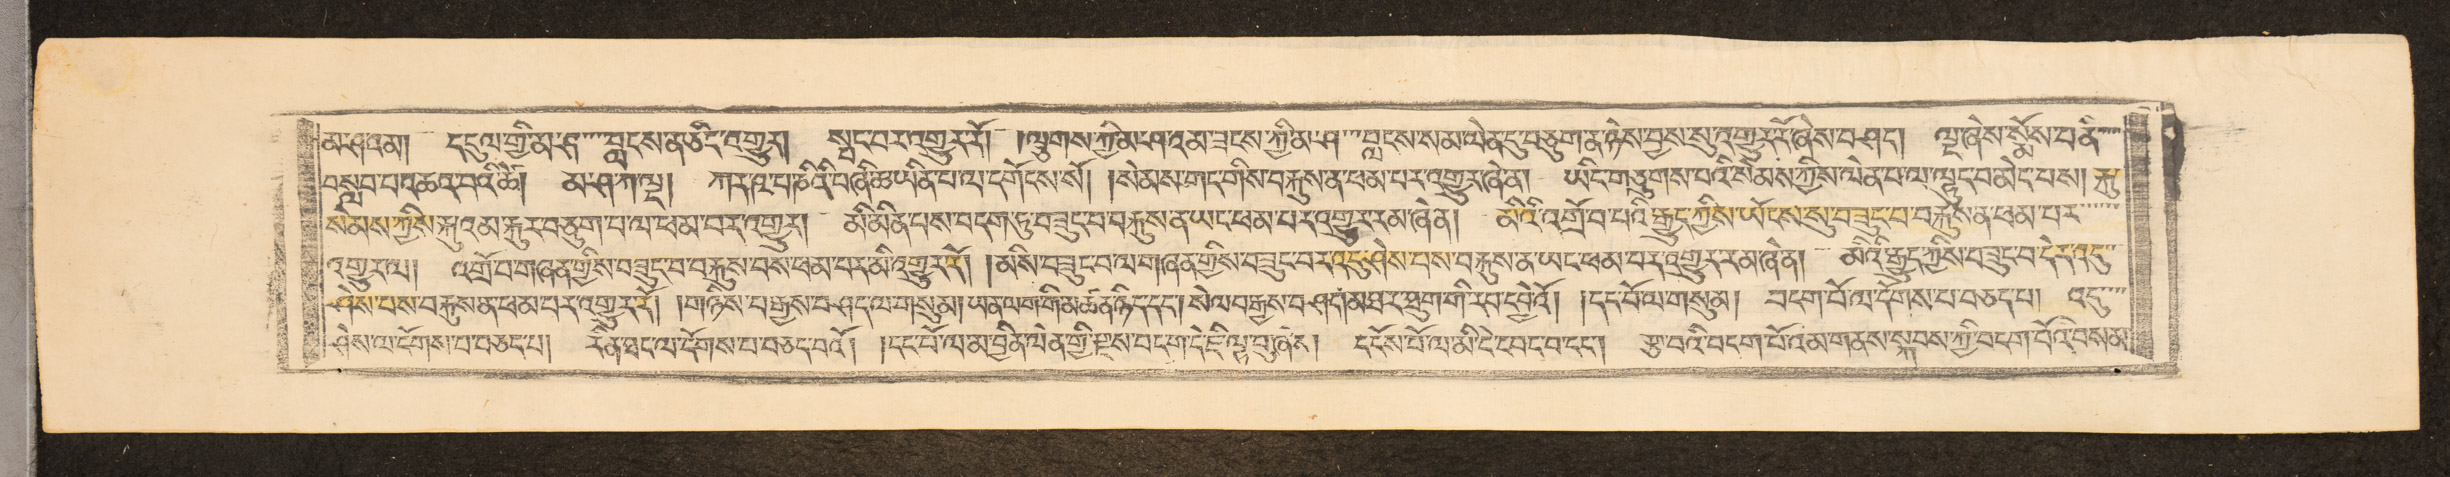མ་ཤའམ། དངུལ་གྱི་མ་ཤ་བླངས་ན་ཅིར་འགྱུར། སྤང་བར་འགྱུར་རོ། །ལྕགས་ཀྱི་མ་ཤ་འམ་ཟངས་ཀྱི་མ་ཤ་བླངས་སམ་ལེན་དུ་བཅུག་ན་ཉེས་བྱས་སུ་འགྱུར་རོ་ཞེས་བཤད། ལྔ་ཞེས་སྨོས་པ་ནི་
བསླབ་པ་འཆའ་བའི་ཚེ། མ་ཤ་ཀ་ལྔ། ཀར་ཥ་པ་ཎིའི་བཞི་ཆ་ཡིན་པ་ལ་དགོངས་སོ། །སེམས་གང་གིས་བརྐུས་ན་ཕམ་པར་འགྱུར་ཞེ་ན། ཡིད་གཅུགས་པའི་སེམས་ཀྱིས་ལེན་བ་ལ་ལྟུང་བ་མེད་པས། རྐུ་
སེམས་ཀྱིས་རྐུ་འམ་རྐུར་བཅུག་པ་ལ་ཕམ་པར་འགྱུར། མི་མིན་པས་བདག་ཏུ་བཟུང་བ་བརྐུས་ན་ཡང་ཕམ་པར་འགྱུར་རམ་ཞེ་ན། མིའི་འགྲོ་བ་པའི་རྒྱུད་ཀྱིས་ཡོངས་སུ་བཟུང་བ་བརྐུས་ན་ཕམ་པར་
འགྱུར་ལ། འགྲོ་བ་གཞན་གྱིས་བཟུང་བ་བརྐུས་པས་ཕམ་པར་མི་འགྱུར་རོ། །མིས་བཟུང་བ་ལ་གཞན་གྱིས་བཟུང་བར་འདུ་ཤེས་པས་བརྐུས་ན་ཡང་ཕམ་པར་འགྱུར་རམ་ཞེ་ན། མིའི་རྒྱུད་ཀྱིས་བཟུང་བ་དེར་འདུ་
ཤེས་པས་བརྐུས་ན་ཕམ་པར་འགྱུར་རོ། །གཉིས་པ་རྒྱས་བཤད་ལ་གསུམ། ཡན་ལག་གི་མཚན་ཉིད་དང་། སེལ་བ་རྒྱས་བཤད། མཐར་ཐུག་གི་རབ་དབྱེའོ། །དང་པོ་ལ་གསུམ། བདག་པོ་ལ་དོགས་པ་བཅད་པ། འདུ་
ཤེས་ལ་དོགས་པ་བཅད་པ། རིན་ཐང་ལ་དོགས་པ་བཅད་པའོ། །དང་པོ་ལ་མ་བྱིན་ལེན་གྱི་རྫས་བདག་དེ་ཇི་ལྟ་བུ་ཞེན། དངོས་པོ་ལ་མི་དེ་དབང་བ་དང་། རྩ་བའི་བདག་པོ་འམ་གནས་སྐབས་ཀྱི་བདག་པོའི་བསམ་